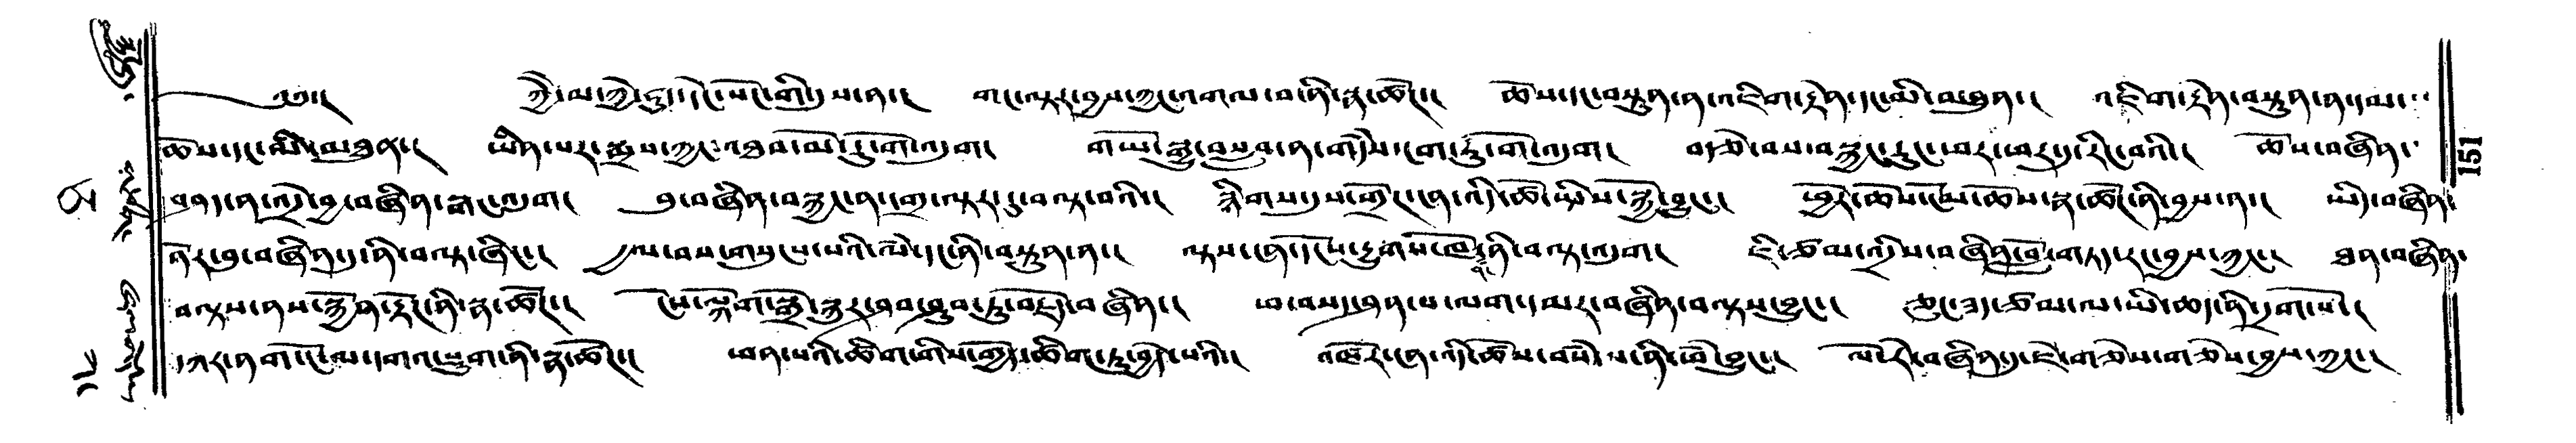༄༅། ཀྱཻ་མ་ཀྱེ་ཧུ་དེང་སང་གི་དུས་ན། །གང་ལྟར་བྱས་ཀྱང་འགལ་བ་ནི་སྣ་ཚོགས། །ཆོས་དང་བསྟུན་ན་འཇིག་རྟེན་དང་མི་མཐུན། །འཇིག་རྟེན་བསྟུན་ན་དམ་
ཆོས་དང་མི་མཐུན། །ཡིན་པར་སྨྲས་ཀྱང་འཐབ་མོ་རུ་གོ་འདུག །གཡོ་སྒྱུ་བསླབས་ན་གདམས་ངག་ཏུ་གོ་འདུག །བརྩེ་བས་བསྐྱངས་རུང་ཕར་ཕར་དུ་རིང་བའི། །ཆོས་བཞིན་
བཤད་ན་འདྲེ་བྱ་བཞིན་སྡང་འདུག །བུ་བཞིན་བསྐྱངས་ན་དགྲ་ལྟར་དུ་ལྟ་བའི། །སྙིགས་དུས་གྲོགས་ངན་འདི་ཚོ་ཡིས་སྐྱོ་བྱུང་། །ཕྱོར་ཆོས་ངོམ་ཆོས་སྣ་ཚོགས་ནི་བྱས་ན། །ཡིད་བཞིན་
ནོར་བུ་བཞིན་དུ་ནི་ལྟ་ཞིང་། །རྒྱལ་བས་གསུངས་པའི་ལམ་དང་ནི་བསྟུན་ན། །ལྟས་ངན་དངོས་རྒྱུག་ཁོ་ན་ནི་ལྟ་འདུག ཇི་ཙམ་འདྲིས་བཞིན་བློ་གཏད་རང་བྱས་ཀྱང་། །ཐན་བཞིན་
བལྟས་ནས་སྐྱོན་རྟོག་ནི་སྣ་ཚོགས། །ངོས་ལྐོག་སྒྲོ་སྐུར་ཤབ་ཤུབ་ཏུ་རྗོད་བཞིན། །ཕ་བསད་ཤན་པ་ལག་དམར་བཞིན་བལྟས་བྱུང་། །ཅུང་ཟད་ཙམ་ལ་ཡི་ཆད་ནི་དྲག་པོ། །
དཀར་ནག་ངོ་ལ་དགའ་སྡུག་ནི་སྣ་ཚོགས། །ཕན་པའི་ཚིག་གིས་གྱོད་ཚིག་ཏུ་བྱེད་པའི། །འཁོར་ངན་འདི་ཚོས་བསམ་པ་ནི་ཕམ་བྱུང་། །ལོ་རེ་བཞིན་དུ་ཇེ་གཅེས་གཅེས་བྱས་ཀྱང་